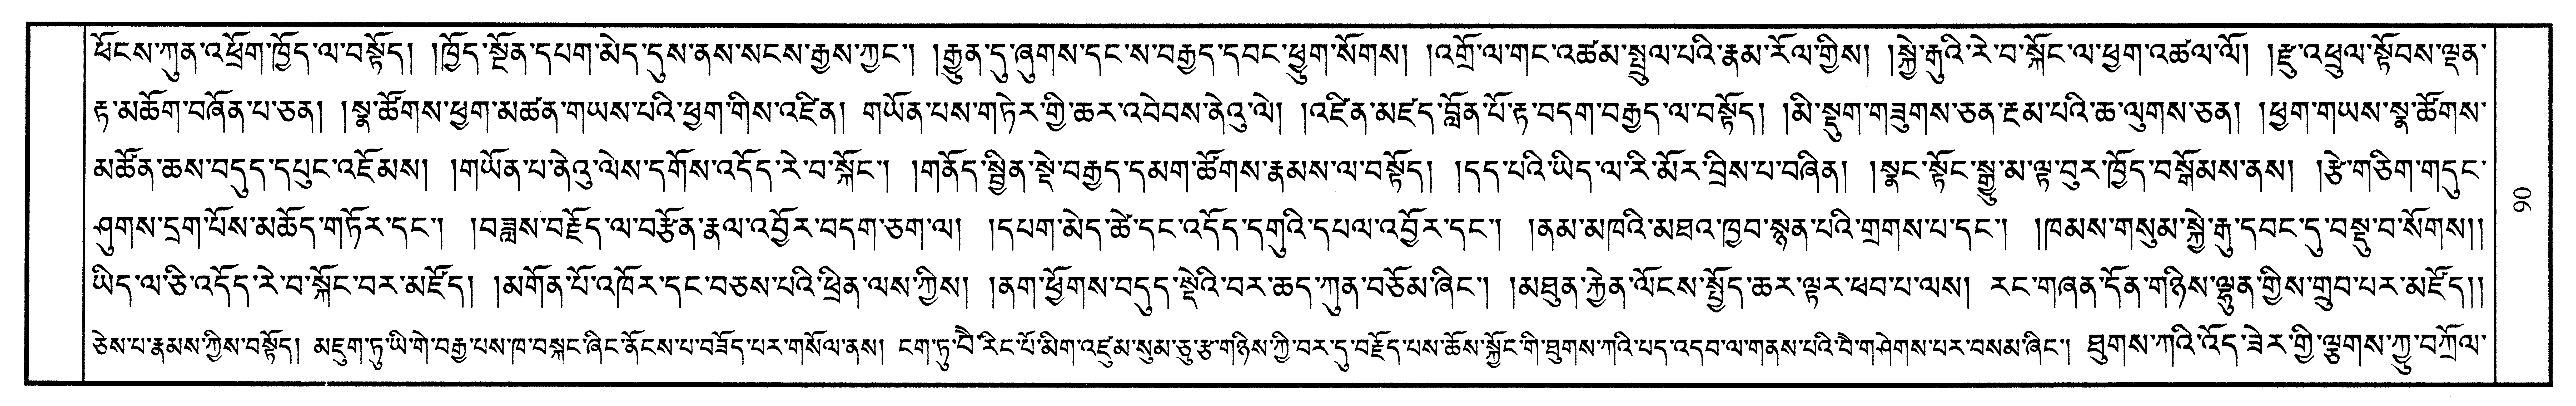ཕོངས་ཀུན་འཕྲོག་ཁྱོད་ལ་བསྟོད། །ཁྱོད་སྔོན་དཔག་མེད་དུས་ནས་སངས་རྒྱས་ཀྱང་། །རྒྱུན་དུ་ཞུགས་དང་ས་བརྒྱད་དབང་ཕྱུག་སོགས། །འགྲོ་ལ་གང་འཚམ་སྤྲུལ་པའི་རྣམ་རོལ་གྱིས། །སྐྱེ་རྒུའི་རེ་བ་སྐོང་ལ་ཕྱག་འཚལ་ལོ། །རྫུ་འཕྲུལ་སྟོབས་ལྡན་
རྟ་མཆོག་བཞོན་པ་ཅན། །སྣ་ཚོགས་ཕྱག་མཚན་གཡས་པའི་ཕྱག་གིས་འཛིན། །གཡོན་པས་གཏེར་གྱི་ཆར་འབེབས་ནེའུ་ལེ། །འཛིན་མཛད་བློན་པོ་རྟ་བདག་བརྒྱད་ལ་བསྟོད། །མི་སྡུག་གཟུགས་ཅན་རྔམ་པའི་ཆ་ལུགས་ཅན། །ཕྱག་གཡས་སྣ་ཚོགས་
མཚོན་ཆས་བདུད་དཔུང་འཇོམས། །གཡོན་པ་ནེའུ་ལེགས་དགོས་འདོད་རེ་བ་སྐོང་། །གནོད་སྦྱིན་སྡེ་བརྒྱད་དམག་ཚོགས་རྣམས་ལ་བསྟོད། །དད་པའི་ཡིད་ལ་རི་མོར་བྲིས་པ་བཞིན། །སྣང་སྟོང་སྒྱུ་མ་ལྟ་བུར་ཁྱོད་བསྒོམས་ནས། །རྩེ་གཅིག་གདུང་
ཤུགས་དྲག་པོས་མཆོད་གཏོར་དང་། །བཟླས་བརྗོད་ལ་བརྩོན་རྣལ་འབྱོར་བདག་ཅག་ལ། །དཔག་མེད་ཚེ་དང་འདོད་དགུའི་དཔལ་འབྱོར་དང་། །ནམ་མཁའི་མཐའ་ཁྱབ་སྙན་པའི་གྲགས་པ་དང་། །ཁམས་གསུམ་སྐྱེ་རྒུ་དབང་དུ་བསྡུ་བ་སོགས།།
ཡིད་ལ་ཅི་འདོད་རེ་བ་སྐོང་བར་མཛོད། །མགོན་པོ་འཁོར་དང་བཅས་པའི་ཕྲིན་ལས་ཀྱིས། །ནག་ཕྱོགས་བདུད་སྡེའི་བར་ཆད་ཀུན་བཅོམ་ཞིང་། །མཐུན་རྐྱེན་ལོངས་སྤྱོད་ཆར་ལྟར་ཕབ་པ་ལས། རང་གཞན་དོན་གཉིས་ལྷུན་གྱིས་གྲུབ་པར་མཛོད།།
ཅེས་པ་རྣམས་ཀྱིས་བསྟོད། མཇུག་ཏུ་ཡི་གེ་བརྒྱ་པས་ཁ་བསྐང་ཞིང་ནོངས་པ་བཟོད་པར་གསོལ་ནས། ངག་ཏུ་བཻ་རིང་པོ་མིག་འཛུམ་སུམ་ཅུ་རྩ་གཉིས་ཀྱི་བར་དུ་བརྗོད་པས་ཆོས་སྐྱོང་གི་ཐུགས་ཀའི་པད་འདབ་ལ་གནས་པའི་བཻ་གཤེགས་པར་བསམ་ཞིང་། ཐུགས་ཀའི་འོད་ཟེར་གྱི་ལྕགས་ཀྱུ་བཀྲོལ་